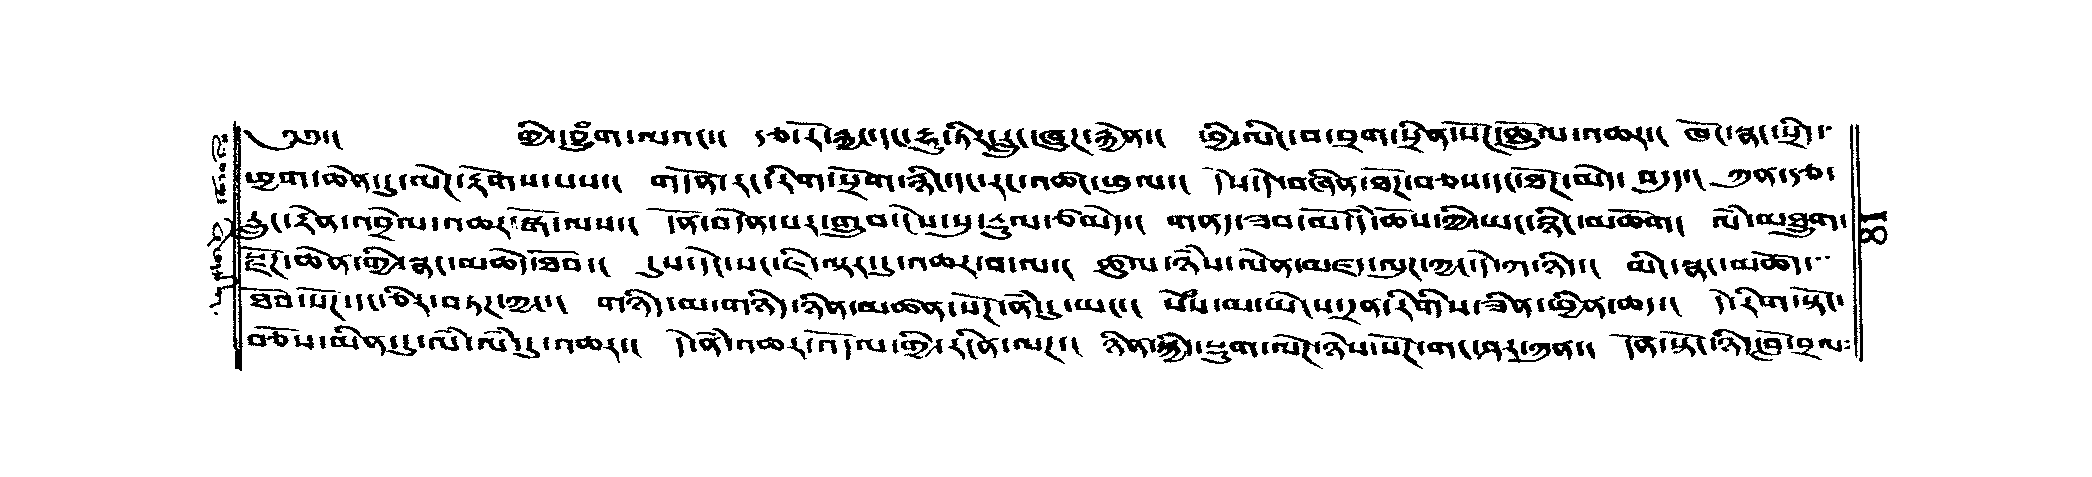གྱི་དབང་ཕྱུག་ལའང་། །རྩ་རོ་རྐྱང་དང་དྷུ་ཏིར་རླུང་ཞུགས་རྐྱེན། །ཕྱི་ལིང་བ་བྲག་སྲིན་སོགས་ཆོ་འཕྲུལ་ཤར། །ཁོང་སྣང་སྲིད་
ཕྱག་ཆེན་དུ་ལེགས་རྟོགས་པས། །གདོན་རང་རིག་སྲོག་རྙིང་དང་རང་མཚང་ཕུལ། །1$10002201$1000180དཔེ་དེ་བཞིན་ཐོགས་བཅས་དང་ཐོགས་མེད་བདུད། །ཀུན་རྩ་
རླུང་རྟེན་འབྲེལ་འཆར་སྒོ་ལས། དོན་བདེན་པར་གྲུབ་ངེས་སུ་རྡུལ་ཙམ་མེད། །གནད་ཟབ་མོ་དམ་ཆོས་ཀྱི་ཡང་སྙིང་མཆོག །ལམ་མཐར་ཐུག་
རྫོགས་ཆེན་གྱི་སྣང་མཆེད་ཐོབ། །དུས་དེང་སང་ཇི་ལྟར་དུ་འཆར་བ་ལ། །ཚུལ་ཉམས་ལེན་མཛད་ལུགས་ཀྱང་དེ་ཀ་ཉིད། །མིང་སྣང་མཆེད་
ཐོབ་གསུམ་དང་སྤྱིར་བཏང་ཀྱང་། །གཉིད་མ་གཉིད་ཉིན་མཚན་སོགས་ནམ་དུ་ཡང་། །སེམས་མ་ཡེངས་དྲན་རིག་གིས་ཟིན་ཕྱིན་ཆད། །དེ་རིག་སྟོང་
བཅོས་མིན་དུ་ལམ་ལམ་དུ་འཆར། །དེ་ནམ་འཆར་འོད་གསལ་གྱི་རང་བཞིན་ལགས། །ཉིན་སྐྱིད་སྡུག་ལེགས་ཉེས་སོགས་གང་འཆར་ཀུན། །དོན་སྟོང་ཉིད་བློ་བྲལ་